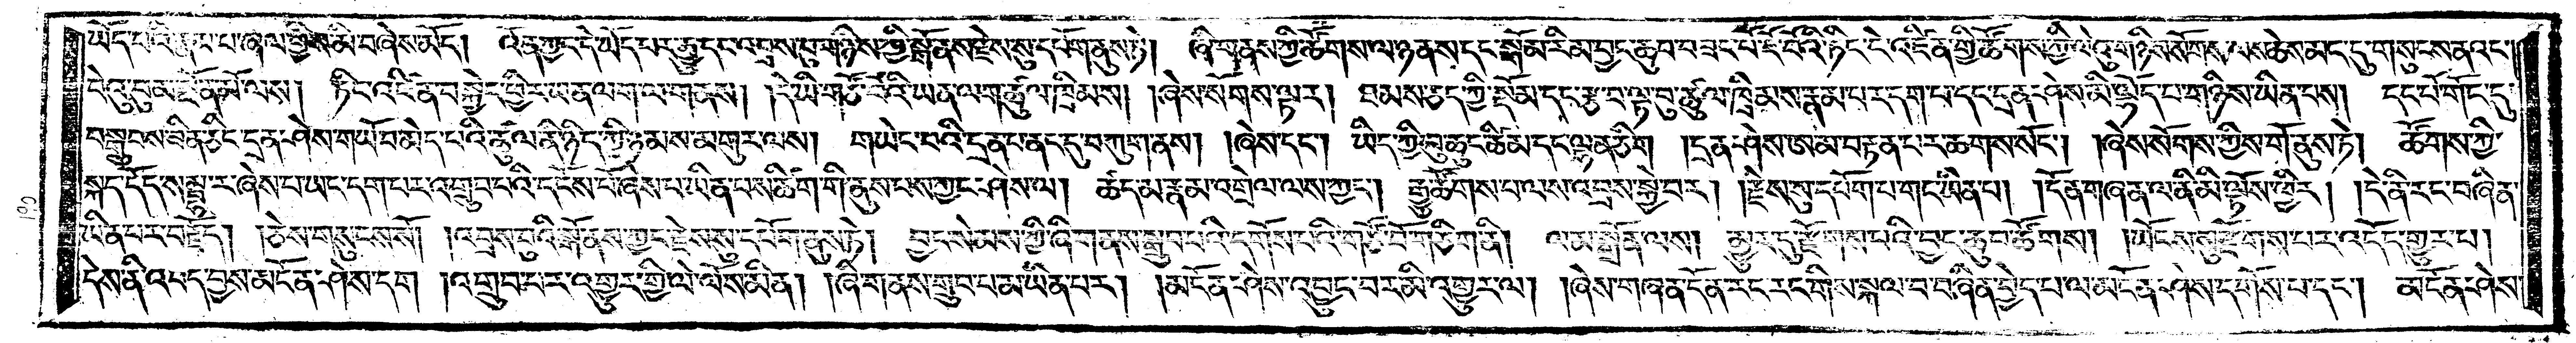ཡོད་པའི་རྣམ་པ་ཞལ་གྱིས་མི་བཞེས་མོང་། འོན་ཀྱང་དེ་ཡོད་པར་རྒྱུ་དང་འབྲས་བུ་གཉིས་ཀྱི་སྒོ་ནས་རྗེས་སུ་དཔོག་ནུས་ཏེ། ཞི་གནས་ཀྱི་ཚོགས་ལ་ཉན་ས་དང་སྒོམ་རིམ་བྱང་ཆུབ་བཟང་པོ་ཇོ་བོའི་ཏིང་ངེ་འཛིན་གྱི་ཚེགས་ཀྱི་ལེའུ་གཉིས་སོགས་ལས་ཆེས་མང་དུ་གསུངས་ནའང་
བེའུ་བུམ་སྔོན་མོ་ལས། ཏིང་འཛིན་བསྐྱེད་ཕྱིར་ཡན་ལག་ལ་གནས། །དེ་ཡི་གཙོ་བོའི་ཡན་ལག་ཚུལ་ཁྲིམས། །ཞེས་སོགས་ལྟར། ཐམས་ཅད་ཀྱི་སྡོམ་དང་རྩ་བ་ལྟ་བུ་ཚུལ་ཁྲིམས་རྣམ་པར་དག་པ་དང་དྲན་ཤེས་མི་ལྷོད་པ་གཉིས་ཡིན་པས། དང་པོ་གོང་དུ་
བསྒྲུབས་ཟིན་ཅིང་དྲན་ཤེས་གཡོ་བ་མེད་པའི་ཚུལ་ནི་ཉིད་ཀྱི་ཉམས་མགུར་ལས། གཡེང་བའི་དྲན་པ་ནང་དུ་བཀུག་ནས། །ཞེས་དང་། ཡིད་ཀྱི་བུ་ཆུང་ཚིམ་དང་ལྷན་ཅིག །དྲན་ཤེས་ཨམ་བརྟན་པར་ཆགས་སོང་། །ཞེས་སོགས་ཀྱིས་གོ་ནུས་ཏེ། ཚོགས་ཀྱི་
སྐད་དོད་སམྦྷ་ར་ཞེས་པ་ཡང་དག་པར་འགྲུབ་པའི་དངོས་པོ་ཞེས་པ་ཡིན་པས་ཚིག་གི་ནུས་པས་ཀྱང་ཤེས་ལ། ཚད་མ་རྣམ་འགྲེལ་ལས་ཀྱང་། རྒྱུ་ཚོགས་པ་ལས་འབྲས་སྐྱེ་བར། །རྗེས་སུ་དཔོག་པ་གང་ཡིན་པ། །དོན་གཞན་ལ་ནི་མི་ལྟོས་ཕྱིར། །དེ་ནི་རང་བཞིན་
ཡིན་པར་བརྗོད། །ཅེས་གསུངས་སོ། །འབྲས་བུའི་སྒོ་ནས་ཀྱང་རྗེས་སུ་དཔོག་ནུས་ཏེ། བྱང་སེམས་ཀྱི་ཞི་གནས་སྒྲུབ་པའི་དགོས་པའི་གཙོ་བོ་གཅིག་ནི། ལམ་སྒྲོན་ལས། མྱུར་དུ་རྫོགས་པའི་བྱང་ཆུབ་ཚོགས། །ཡོངས་སུ་རྫོགས་པར་འདོད་གྱུར་པ།
དེས་ནི་འབད་བྱས་མངོན་ཤེས་དག །འགྲུབ་བར་འགྱུར་གྱི་ལེ་ལོས་མིན། །ཞི་གནས་གྲུབ་པ་མ་ཡིན་པར། །མངོན་ཤེས་འབྱུང་བར་མི་འགྱུར་ལ། །ཞེས་གཞན་དོན་རང་རང་གིས་སྐལ་བ་བཞིན་བྱེད་པ་ལ་མངོན་ཤེས་དགོས་པ་དང་། མངོན་ཤེས་